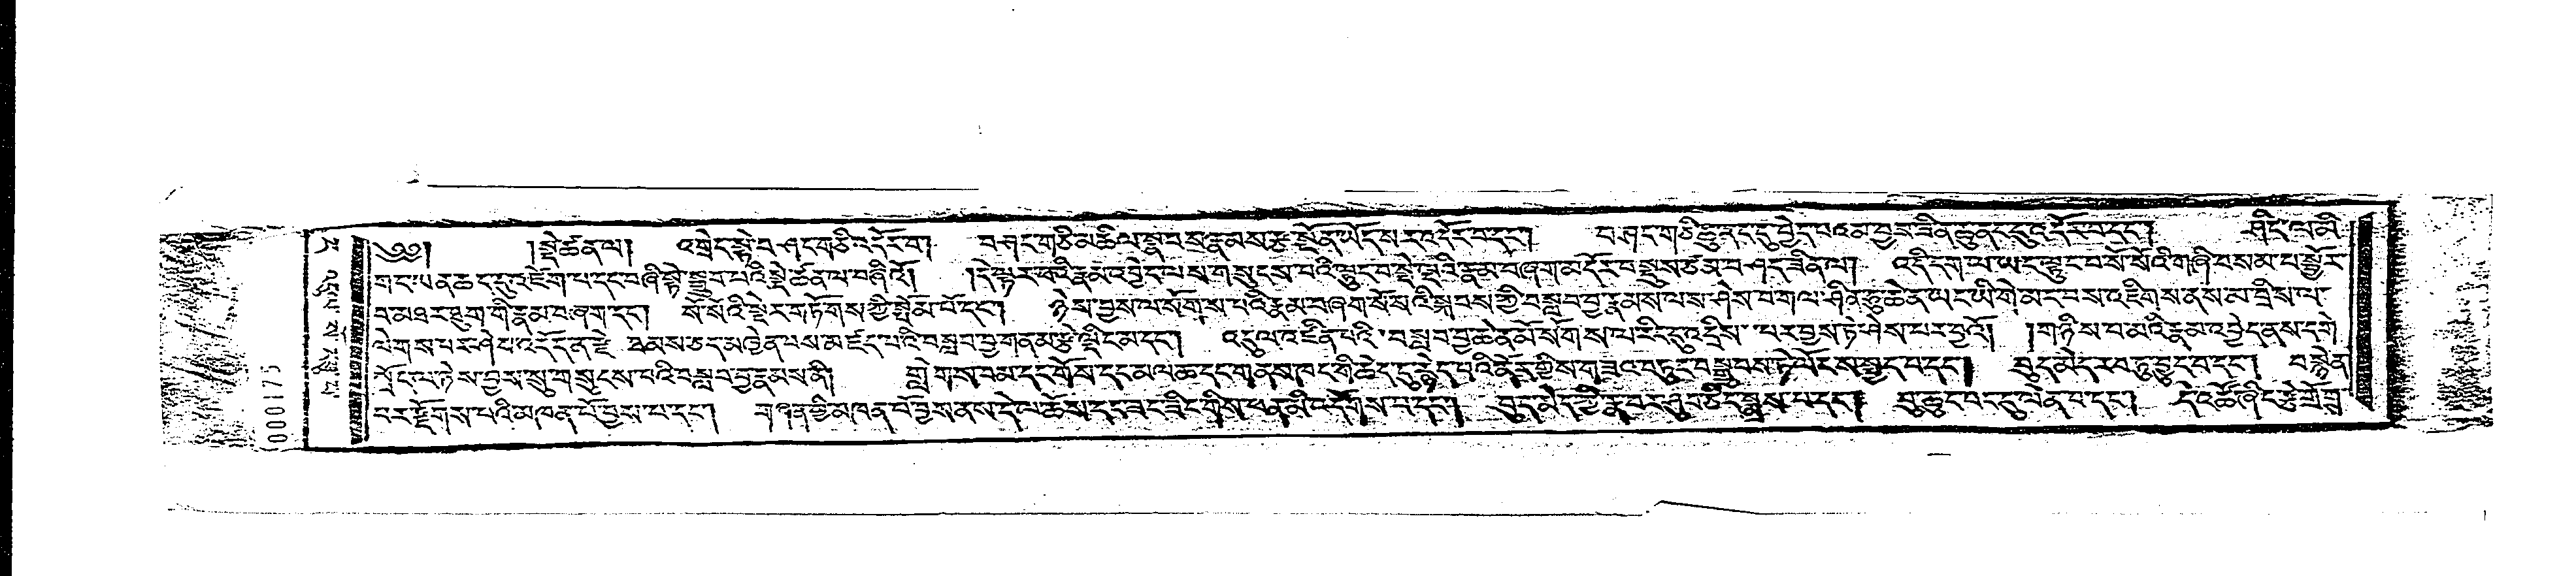༄༅། །སྡེ་ཚན་ལ། འགྲེང་སྟེ་བཤང་གཅི་འདོར་བ། བཤང་གཅི་མཆིལ་སྣབས་རྣམས་རྩ་སྔོན་ཡོད་སར་འདོར་བ་དང་། བཤང་གཅི་ཆུ་ནང་དུ་བྱེད་པའམ་བྱས་ཟིན་ཆུ་ནང་དུ་འདོར་བ་དང་། ཤིང་ལ་མི་
གང་ཡན་ཆད་དུ་འཛེག་པ་དང་བཞི་སྟེ་སྒྲུབ་པའི་སྡེ་ཚན་ལ་བཞིའོ། །དེ་ལྟར་ཕའི་རྣམ་འབྱེད་ལས་གསུངས་པའི་ལྟུང་བ་སྡེ་ལྔའི་རྣམ་བཞག་མདོར་བསྡུས་ཙམ་བཤད་ཟིན་ལ། འདི་དག་ལ་ཡང་ལྟུང་བ་སོ་སོའི་གཞི་བསམ་པ་སྦྱོར་
བ་མཐར་ཐུག་གི་རྣམ་བཞག་དང་། སོ་སོའི་སྡེར་གཏོགས་ཀྱི་སྤོམ་པོ་དང་། ཉེས་བྱས་ལ་སོགས་པའི་རྣམ་བཞག་སོ་སོའི་སྐབས་ཀྱི་བསླབ་བྱ་རྣམས་ལས་ཤེས་པ་གལ་ཤིན་ཏུ་ཆེ་ན་ཡང་ཡི་གེ་མང་བས་འཇིགས་ནས་མ་བྲིས་ལ་
ལེགས་པར་ཤེས་འདོད་ན་རྫེ་ཐམས་ཅད་མཁྱེན་པས་མཛད་པའི་བསླབ་བྱ་གནམ་རྩེ་ལྡིང་མ་དང་། འདུལ་འཛིན་པའི་བསླབ་བྱ་ཆེན་མོ་སོགས་ལ་རིང་དུ་འདྲིས་པར་བྱས་ཏེ་ཤེས་པར་བྱའོ། །གཉིས་པ་མའི་རྣམ་འབྱེད་ནས་དགེ་
སློང་ལ་ཉེས་བྱས་སུ་གསུངས་པའི་བསླབ་བྱ་རྣམས་ནི། གླེགས་བམ་དང་གོས་དང་མལ་ཆ་དང་གནས་ཁང་གི་ཆེད་དུ་རྙེད་པའི་ནོར་གྱིས་གཟའ་བཏུང་བསྒྲུབས་ཏེ་ལོངས་སྤྱད་པ་དང་། བུད་མེད་རབ་ཏུ་བྱུང་བ་དང་། བསྙེན་
པར་རྫོགས་པའི་མཁན་པོ་བྱས་པ་དང་། གཞན་གྱི་མཁན་པོ་བྱས་ནས་དེ་ལ་ཆོས་དང་ཟང་ཟིང་གིས་ཕན་མི་འདོགས་པ་དང་། བུད་མེད་ཀྱི་རྣ་བར་ཤུབ་ཅིང་སྨྲས་པ་དང་། བུ་ཆུང་བར་དུ་ལེན་པ་དང་། དེ་འཚོ་ཞིང་རྩེ་གྲོགས་